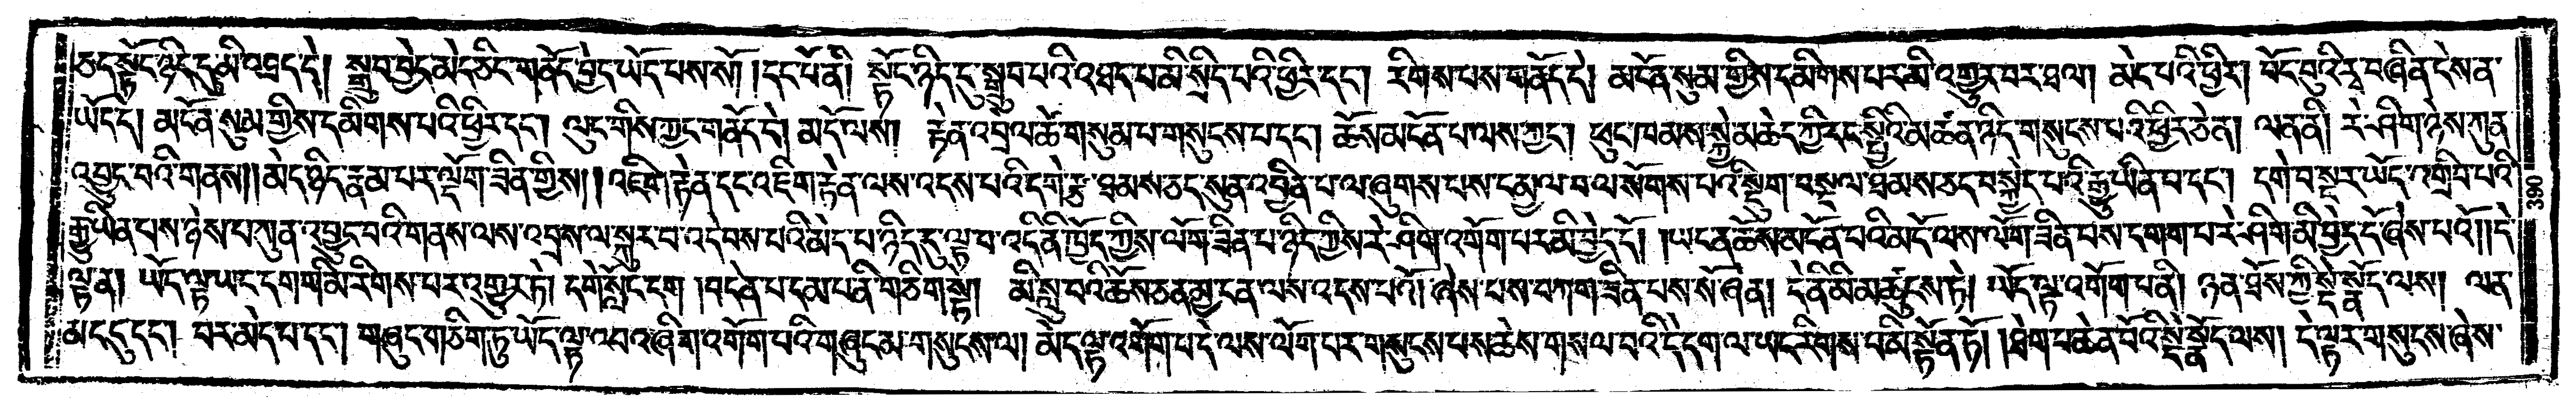ཅད་སྟོང་ཉིད་དུ་མི་འཐད་དེ། སྒྲུབ་བྱེད་མེད་ཅིང་གནོད་བྱེད་ཡོད་པས་སོ། །དང་པོ་ནི། སྟོང་ཉིད་དུ་སྒྲུབ་པའི་འཐད་པ་མི་སྲིད་པའི་ཕྱིར་དང་། རིགས་པས་གནོད་དེ། མངོན་སུམ་གྱིས་དམིགས་པར་མི་འགྱུར་བར་ཐལ། མེད་པའི་ཕྱིར། བོང་བུའི་རྭ་བཞིན་དེས་ན་
ཡོད་དེ། མངོན་སུམ་གྱིས་དམིགས་པའི་ཕྱིར་དང་། ལུང་གིས་ཀྱང་གནོད་དེ། མདོ་ལས། རྟེན་འབྲེལ་ཆོ་གསུམ་པ་གསུངས་པ་དང་། ཆོས་མངོན་པ་ལས་ཀྱང་། ཕུང་ཁམས་སྐྱེ་མཆེད་ཀྱི་རང་སྤྱིའི་མཚན་ཉིད་གསུངས་པའི་ཕྱིར་ཅེ་ན། ལན་ནི། རེ་ཤིག་ཉེས་ཀུན་
འབྱུང་བའི་གནས། །མེད་ཉིད་རྣམ་པར་ལྡོག་ཟིན་གྱིས། །འཇིག་རྟེན་དང་འཇིག་རྟེན་ལས་འདས་པའི་དགེ་རྩ་ཐམས་ཅད་སུན་འབྱིན་པ་ལ་ཞུགས་པས་དམྱལ་བ་ལ་སོགས་པའི་སྡུག་བསྔལ་ཐམས་ཅད་བསྐྱེད་པའི་རྒྱུ་ཡིན་པ་དང་། དགེ་བ་སྔར་ཡོད་འགྲིབ་པའི་
རྒྱུ་ཡིན་པས་ཉེས་པ་ཀུན་འབྱུང་བའི་གནས་ལས་འབྲས་ལ་སྐུར་བ་འདེབས་པའི་མེད་པ་ཉིད་དུ་ལྟ་བ་འདི་ནི་ཁྱོད་ཀྱིས་ལོག་ཟིན་པ་ཉིད་ཀྱིས་རེ་ཤིག་འགོག་པར་མི་བྱེད་དོ། །ཡང་ན་ཆོས་མངོན་པའི་མདོ་ལས་ལོག་ཟིན་པས་དགག་པ་རེ་ཤིག་མི་བྱེད་དོ་ཞེས་པའོ། །དེ་
ལྟ་ན། ཡོད་ལྟ་ཡང་དགག་མི་རིགས་པར་འགྱུར་ཏེ། དགེ་སློང་དག །བདེན་པ་དམ་པ་ནི་གཅིག་སྟེ། མི་སླུ་བའི་ཆོས་ཅན་མྱ་ངན་ལས་འདས་པའོ། ཞེས་པས་བཀག་ཟིན་པས་སོ་ཞེ་ན། དེ་ནི་མི་མཚུངས་ཏེ། ཡོད་ལྟ་འགོག་པ་ནི། ཉན་ཐོས་ཀྱི་སྡེ་སྣོད་ལས། ལན་
མང་དུ་དང་། བར་མེད་པ་དང་། གཞུང་གཅིག་ཏུ་ཡོད་ལྟ་འབའ་ཞིག་འགོག་པའི་གཞུང་མ་གསུངས་ལ། མེད་ལྟ་འགོག་པ་དེ་ལས་ལོག་པར་གསུངས་པས་ཆེས་གསལ་བའི་དེ་དག་ལ་ཡང་རིགས་པ་མི་སྟོན་ཏོ། །ཐེག་པ་ཆེན་པོའི་སྡེ་སྣོད་ལས། དེ་ལྟར་གསུངས་ཞེས་